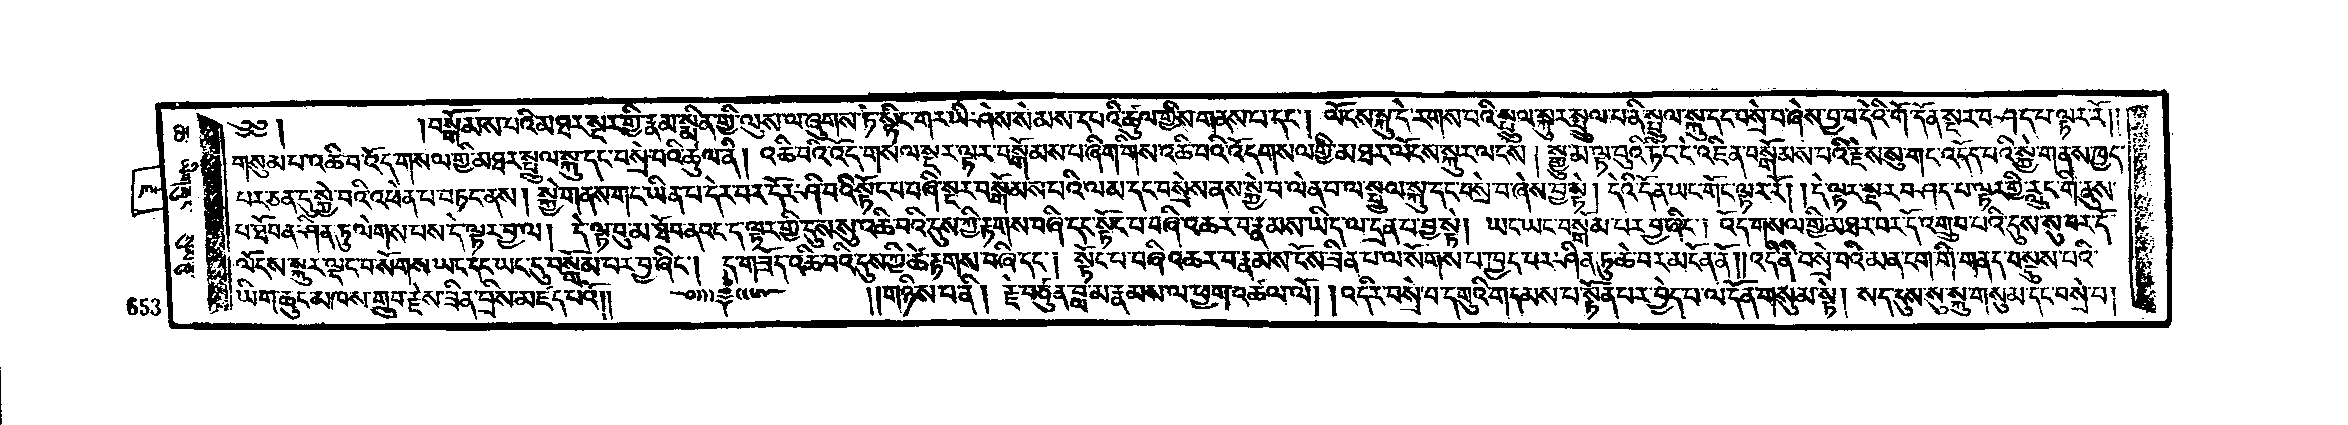༄༅། །བསྒོམས་པའི་མཐར་སྔར་གྱི་རྣམ་སྨིན་གྱི་ལུས་ལ་ཞུགས་ཏེ་སྙིང་གར་ཡེ་ཤེས་སེམས་དཔའི་ཚུལ་གྱིས་གནས་པ་དང་། ལོངས་སྐུ་དེ་རགས་པའི་སྤྲུལ་སྐུར་སྤྲུལ་པ་ནི་སྤྲུལ་སྐུ་དང་བསྲེ་བ་ཞེས་བྱ་བ་དེའི་གོ་དོན་སྔར་བཤད་པ་ལྟར་རོ། །
གསུམ་པ་འཆི་བ་འོད་གསལ་གྱི་མཐར་སྤྲུལ་སྐུ་དང་བསྲེ་བའི་ཚུལ་ནི། འཆི་བའི་འོད་གསལ་སྔར་ལྟར་བསྒོམས་པ་ཞིག་གིས་འཆི་བའི་འོད་གསལ་གྱི་མཐར་ལོངས་སྐུར་ལངས། སྒྱུ་མ་ལྟ་བུའི་ཏིང་ངེ་འཛིན་བསྒོམས་པའི་རྗེས་སུ་གང་འདོད་པའི་སྐྱེ་གནས་ཁྱད་
པར་ཅན་དུ་སྐྱེ་བའི་འཕེན་པ་བཏང་ནས། སྐྱེ་གནས་གང་ཡིན་པ་དེར་བར་དོར་ཤི་བའི་སྟོང་པ་བཞི་སྔར་བསྒོམས་པའི་ལམ་དང་བསྲེས་ནས་སྐྱེ་བ་ལེན་པ་ལ་སྤྲུལ་སྐུ་དང་བསྲེ་བ་ཞེས་བྱ་སྟེ། དེའི་དོན་ཡང་གོང་ལྟར་རོ། །དེ་ལྟར་སྔར་བཤད་པ་ལྟར་གྱི་རླུང་གི་ནུས་
པ་ཐོབ་ན་ཤིན་ཏུ་ལེགས་པས་དེ་ལྟར་བྱ་ལ། དེ་ལྟ་བུ་མ་ཐོབ་ནའང་ད་ལྟར་གྱི་དུས་སུ་འཆི་བའི་དུས་ཀྱི་རྟགས་བཞི་དང་སྟོང་པ་བཞི་འཆར་བ་རྣམས་ཡིད་ལ་དྲན་པ་བྱ་སྟེ། ཡང་ཡང་བསྒོམ་པར་བྱ་ཞིང་། འོད་གསལ་གྱི་མཐར་བར་དོ་འགྲུབ་པའི་དུས་སུ་བར་དོ་
ལོངས་སྐུར་ལྡང་བ་སོགས་ཡང་དང་ཡང་དུ་བསྒོམ་པར་བྱ་ཞིང་། ད་གཟོད་འཆི་བའི་དུས་ཀྱི་ཆེ་རྟགས་བཞི་དང་། སྟོང་པ་བཞི་འཆར་བ་རྣམས་ངོས་ཟིན་པ་ལ་སོགས་པ་ཁྱད་པར་ཤིན་ཏུ་ཆེ་བར་མངོན་ནོ། །འདི་ནི་བསྲེ་བའི་མན་ངག་གི་གནད་བསྡུས་པའི་
ཡིག་ཆུང་མཁས་གྲུབ་རྗེས་ཟིན་བྲིས་མཛད་པའོ།། ༈ །།གཉིས་པ་ནི། རྗེ་བཙུན་བླ་མ་རྣམས་ལ་ཕྱག་འཚལ་ལོ། །འདིར་བསྲེ་བ་དགུའི་གདམས་པ་སྟོན་པར་བྱེད་པ་ལ་དོན་གསུམ་སྟེ། སད་དུས་སུ་སྐུ་གསུམ་དང་བསྲེ་བ།